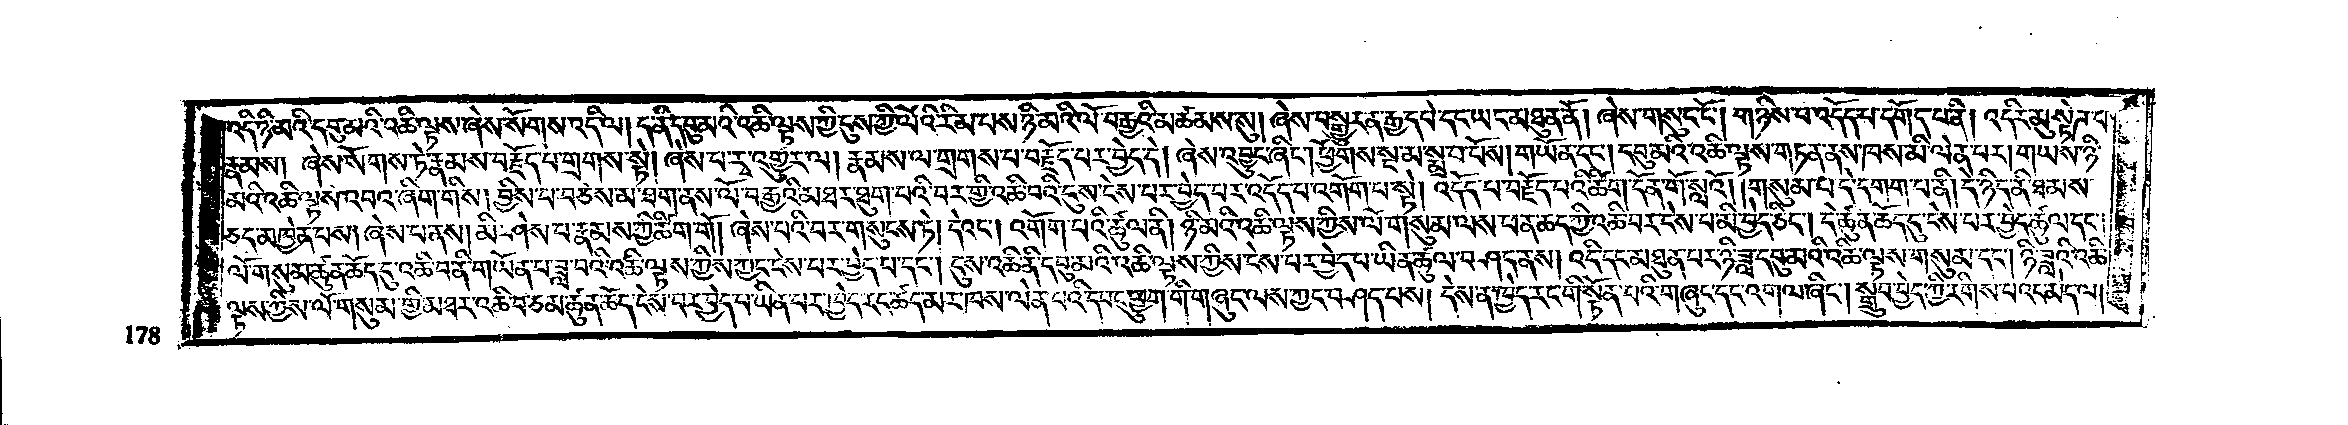འདི་ཉི་མའི་དབུ་མའི་འཆི་ལྟས་ཞེས་སོགས་འདི་ལ། ད་ནི་དབུ་མའི་འཆི་ལྟས་ཀྱི་དུས་ཀྱི་ལོའི་རིམ་པས་ཉི་མའི་ལོ་བརྒྱའི་མཚམས་སུ། ཞེས་བསྒྱུར་ན་རྒྱ་དཔེ་དང་ཡང་མཐུན་ནོ། ཞེས་གསུང་ངོ། གཉིས་པ་འདོད་པ་དགོད་པ་ནི། འདིར་མུ་སྟེགས་པ་
རྣམས། ཞེས་སོགས་ཏེ་རྣམས་བརྗོད་པ་གྲགས་སྟེ། ཞེས་པ་རྭ་འགྱུར་ལ། རྣམས་ལ་གྲགས་པ་བརྗོད་པར་བྱེད་དེ། ཞེས་འབྱུང་ཞིང་། ཕྱོགས་སྔ་མ་སྨྲ་བ་པོས། གཡོན་དང་། དབུ་མའི་འཆི་ལྟས་གཏན་ནས་ཁས་མི་ལེན་པར། གཡས་ཉི་
མའི་འཆི་ལྟས་འབའ་ཞིག་གིས། བྱིས་པ་བཙས་མ་ཐག་ནས་ལོ་བརྒྱའི་མཐར་ཐུག་པའི་བར་གྱི་འཆི་བའི་དུས་ངེས་པར་བྱེད་པར་འདོད་པ་འགོག་པ་སྟེ། འདོད་པ་བརྗོད་པའི་ཚིག་དོན་གོ་སླའོ། །གསུམ་པ་དེ་དགག་པ་ནི། དེ་ཉིད་ནི་ཐམས་
ཅད་མཁྱེན་པས། ཞེས་པ་ནས། མི་ཤེས་པ་རྣམས་ཀྱི་ཚིག་གོ ། ཞེས་པའི་བར་གསུངས་ཏེ། དེའང་། འགོག་པའི་ཚུལ་ནི། ཉི་མའི་འཆི་ལྟས་ཀྱིས་ལོ་གསུམ་ལས་ཕན་ཆད་ཀྱི་འཆི་བར་ངེས་པ་མི་བྱེད་ཅིང་། དེ་ཚུན་ཆོད་དུ་ངེས་པར་བྱེད་ཚུལ་དང་།
ལོ་གསུམ་ཚུན་ཆོད་དུ་འཆི་བ་ནི་གཡོན་པ་ཟླ་བའི་འཆི་ལྟས་ཀྱིས་ཀྱང་ངེས་པར་བྱེད་པ་དང་། དུས་འཆི་ནི་དབུ་མའི་འཆི་ལྟས་ཀྱིས་ངེས་པར་བྱེད་པ་ཡིན་ཚུལ་བཤད་ནས། འདི་དང་མཐུན་པར་ཉི་ཟླ་དབུ་མའི་འཆི་ལྟས་གསུམ་དང་། ཉི་ཟླའི་འཆི་
ལྟས་ཀྱིས་ལོ་གསུམ་གྱི་མཐར་འཆི་བ་ཙམ་ཚུན་ཆོད་ངེས་པར་བྱེད་པ་ཡིན་པར་ཁྱེད་རང་ཚད་མར་ཁས་ལེན་པའི་དབང་ཕྱུག་གི་གཞུང་ལས་ཀྱང་བཤད་པས། དེས་ན་ཁྱེད་རང་གི་སྟོན་པའི་གཞུང་དང་འགལ་ཞིང་། སྒྲུབ་བྱེད་ཀྱི་རིགས་པའང་མེད་ལ།